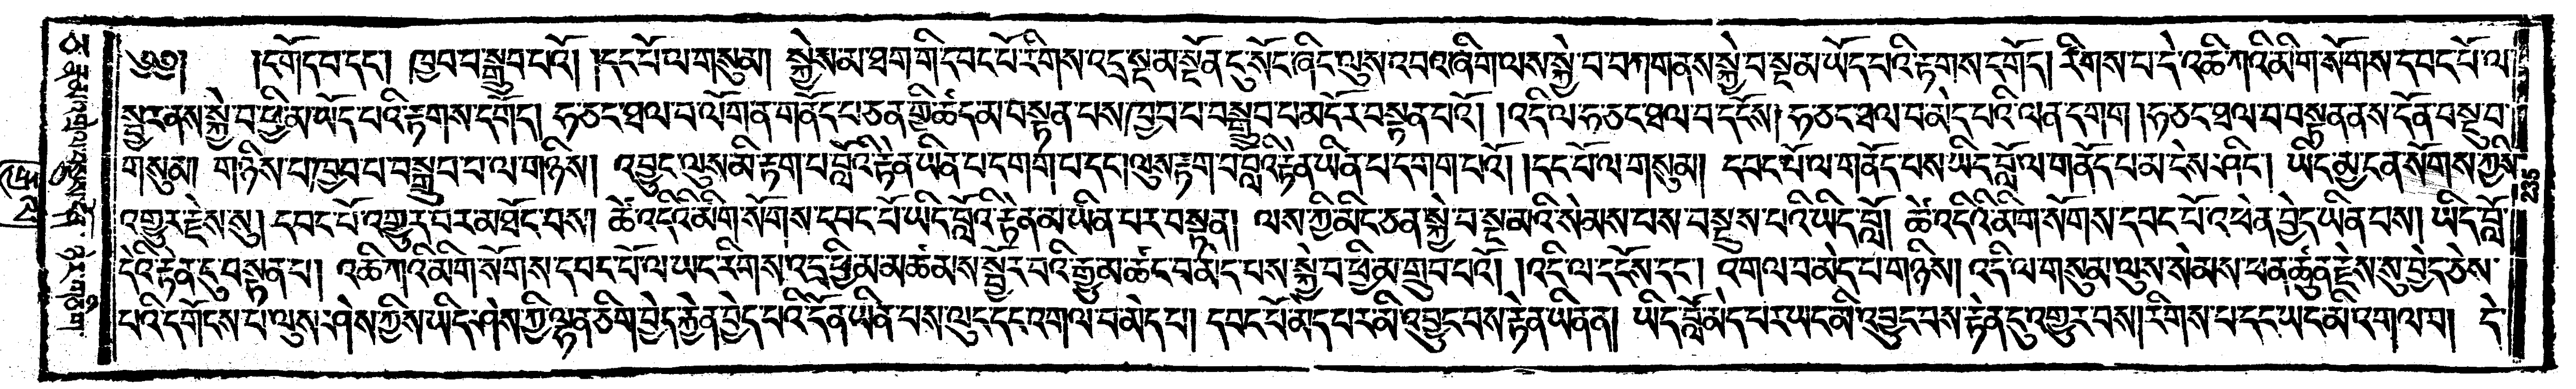༄༅། །དགོད་པ་དང་། ཁྱབ་པ་སྒྲུབ་པའོ། །དང་པོ་ལ་གསུམ། སྐྱེས་མ་ཐག་གི་དབང་པོ་རིགས་འདྲ་སྔ་མ་སྔོན་དུ་སོང་ཞིང་ལུས་འབའ་ཞིག་ལས་སྐྱེ་བ་བཀག་ནས་སྐྱེ་བ་སྔ་མ་ཡོད་པའི་རྟགས་དགོད། རིགས་པ་དེ་འཆི་ཀའི་མིག་སོགས་དབང་པོ་ལ་
སྦྱར་ནས་སྐྱེ་བ་ཕྱི་མ་ཡོད་པའི་རྟགས་དགོད། ཧ་ཅང་ཐལ་བ་ལོག་ན་གནོད་པ་ཅན་གྱི་ཚད་མ་བསྟན་པས་ཁྱབ་པ་བསྒྲུབ་པ་མདོར་བསྟན་པའོ། །འདི་ལ་ཧ་ཅང་ཐལ་བ་དངོས། ཧ་ཅང་ཐལ་བ་མེད་པའི་ལན་དགག །ཧ་ཅང་ཐལ་བ་བསྟན་ནས་དོན་བསྡུ་བ་
གསུམ། གཉིས་པ་ཁྱབ་པ་བསྒྲུབ་པ་ལ་གཉིས། འབྱུང་ལུས་མི་རྟག་པ་བློའི་རྟེན་ཡིན་པ་དགག་པ་དང་། ལུས་རྟག་པ་བློའི་རྟེན་ཡིན་པ་དགག་པའོ། །དང་པོ་ལ་གསུམ། དབང་པོ་ལ་གནོད་པས་ཡིད་བློ་ལ་གནོད་པ་མ་ངེས་ཤིང་། ཡིད་མྱ་ངན་སོགས་ཀྱིས་
འགྱུར་རྗེས་སུ། དབང་པོ་འགྱུར་བར་མཐོང་བས། ཚེ་འདིའི་མིག་སོགས་དབང་པོ་ཡིད་བློའི་རྟེན་མ་ཡིན་པར་བསྟན། ལས་ཀྱི་མིང་ཅན་སྐྱེ་བ་སྔ་མའི་སེམས་པས་བསྡུས་པའི་ཡིད་བློ། ཚེ་འདིའི་མིག་སོགས་དབང་པོ་འཕེན་བྱེད་ཡིན་པས། ཡིད་བློ་
དེའི་རྟེན་དུ་བསྟན་པ། འཆི་ཀའི་མིག་སོགས་དབང་པོ་ལ་ཡང་རིགས་འདྲ་ཕྱི་མ་མཚམས་སྦྱོར་བའི་རྒྱུ་མ་ཚང་བ་མེད་པས་སྐྱེ་བ་ཕྱི་མ་གྲུབ་པའོ། །འདི་ལ་དངོས་དང་། འགལ་བ་མེད་པ་གཉིས། འདི་ལ་གསུམ་ལུས་སེམས་ཕན་ཚུན་རྗེས་སུ་བྱེད་ཅེས་
པའི་དགོངས་པ་ལུས་ཤེས་ཀྱིས་ཡིད་ཤེས་ཀྱི་ལྷན་ཅིག་བྱེད་རྐྱེན་བྱེད་པའི་དོན་ཡིན་པས་ལུང་དང་འགལ་བ་མེད་པ། དབང་པོ་མེད་པར་མི་འབྱུང་བས་རྟེན་ཡིན་ན། ཡིད་བློ་མེད་པར་ཡང་མི་འབྱུང་བས་རྟེན་དུ་འགྱུར་བས། རིགས་པ་དང་ཡང་མི་འགལ་བ། དེ་